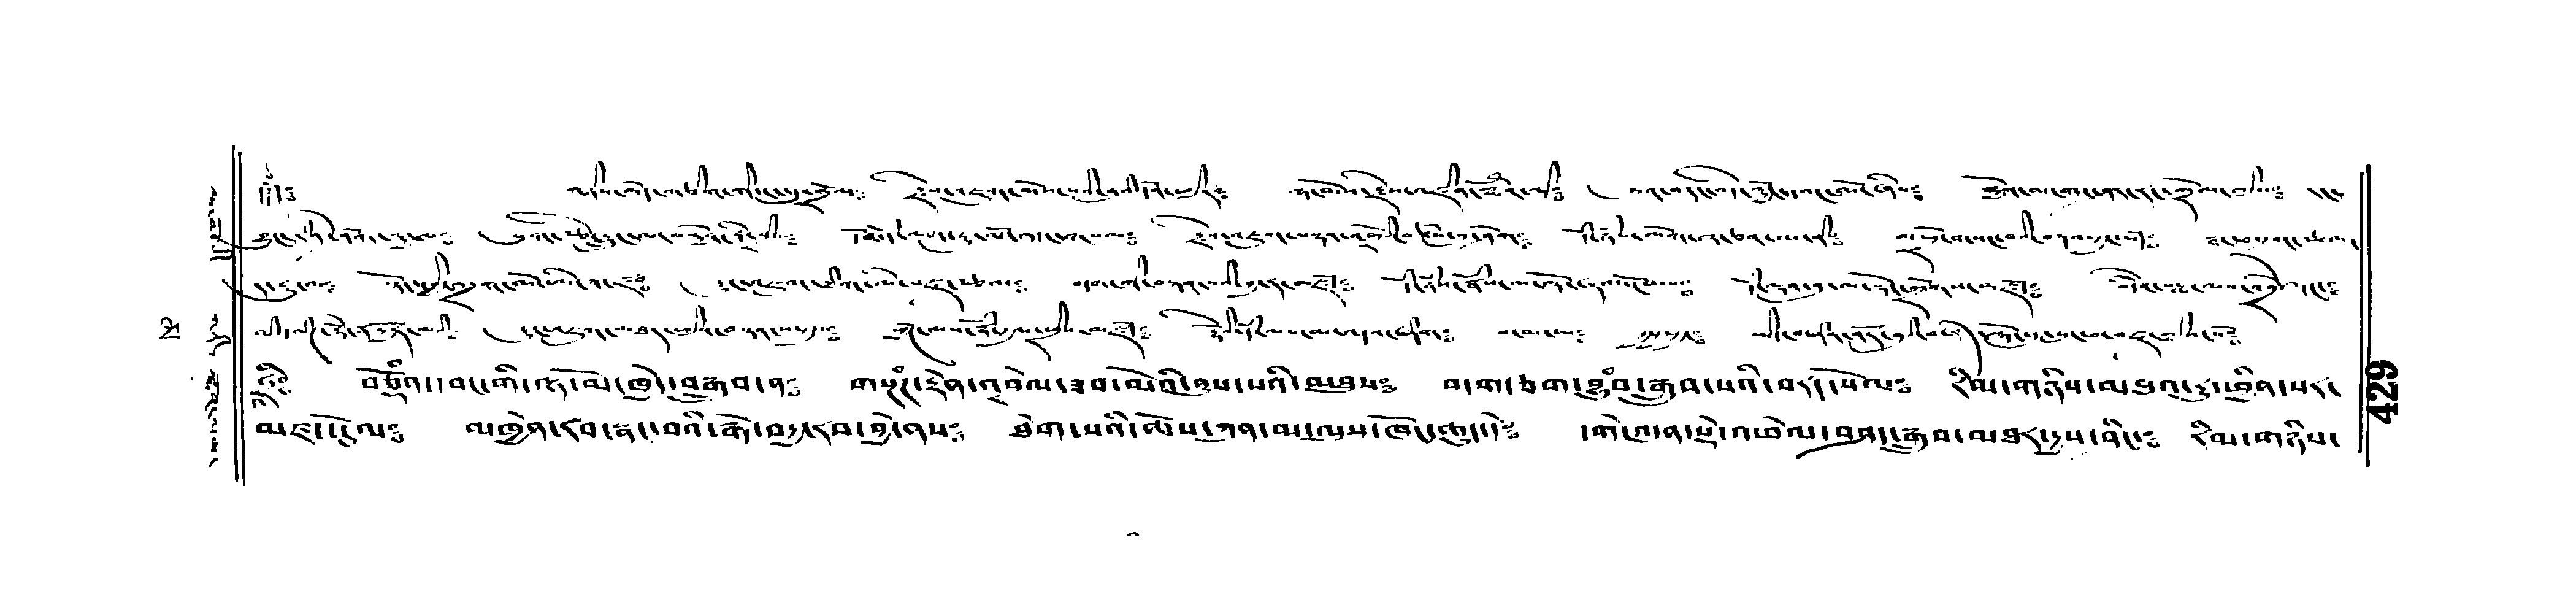གཉིས་མེད་གཅིག་གི་ངང་དུ་གྲོལ༔ རྗེས་འཇུག་མོས་པའི་བུའི་དོན་ཕྱིར༔ ལྷ་མོས་རྗེས་འཛིན་སྨོན་ལམ་འདི༔ ཀུན་བཟང་བདེ་སྐྱོང་དབང་མོ་ཞེས༔ སྨྱོན་མ་གང་ཤར་རང་གྲོལ་གྱིས༔ རང་
བྱུང་རིན་ཆེན་ཤོག་སྐྱ་ལ༔ སུག་རྩེ་རླུང་ལ་བསྐྱོན་ཏེ་བྲིས༔ དོན་དམ་ལག་ཏུ་ལོངས་དང་གསལ༔ རྗེས་འཇུག་བསྟན་འགྲོའི་བཙས་སུ་ཤོག༔ དམ་ཉམས་ལོག་ལྟ་ཅན་ལ་ནི༔ མཁའ་འགྲོ་གསང་བའི་བཀའ་རྒྱ་ཡོད༔ སྣང་བ་དྲག་རྩལ་
ར་ཧུ་ལ༔ སྟོང་དབྱིངས་དྲག་མོ་ཨེ་ཀ་ཛ༔ ཟུང་འཇུག་ཐིག་ལེ་བཛྲ་རྩལ༔ བདག་གི་བསྟན་པའི་བྱ་ར་མཛོད༔ དམ་ཉམས་རྣམས་ལ་ལྟོ་ཞལ་ངོམས༔ དམ་ལྡན་བུ་ལ་སྟོང་གྲོགས་མཛོད༔ བདེ་ཆེན་པདྨ་ལས་འབྲེལ་དང༔ 
མི་དམིགས་རྡོ་རྗེ་རྣལ་འབྱོར་མའི༔ ཟུང་འཇུག་མཐར་ཕྱིན་བསྟན་པ་རྒྱས༔ ཕྱོགས་ལས་རྣམ་རྒྱལ་ཕྲིན་ལས་མཛོད༔ རྡོ་རྗེའི་དམ་ལས་མ་འདའ་ཞིག༔ ས་མ་ཡ༔ རྒྱ་རྒྱ་རྒྱ༔ ཡིད་བཞིན་ནོར་བུའི་བཞེད་སྐོང་དུ་སུ་ཁ་བཛྲ་གྱིས་སོ༔ 
ཧྲཱིཿ བཅོམ་ལྡན་དབང་གི་ལྷ་མོ་ཁྱེད་བསྒྲུབ་ན༔ གསང་སྔགས་རྟེན་འབྲེལ་ཟབ་མོའི་ནུས་པའི་མཐུས༔ བདག་ཅག་བྱང་ཆུབ་སྒྲུབ་པའི་བར་ཆད་སོལ༔ རིམ་གཉིས་མཐའ་རུ་ཕྱིན་པར་
མཛད་དུ་གསོལ༔ མཁྱེན་རབ་སྣང་བའི་སྒོ་བརྒྱ་རབ་བྱེ་ནས༔ ཐེག་པའི་ཆོས་ཀུན་མ་ལུས་ཁོང་ཆུད་དེ༔ དགེ་འདུན་སྡེ་འཕེལ་བཤད་སྒྲུབ་མཐར་རྒྱས་ཤིང༔ རིམ་གཉིས་